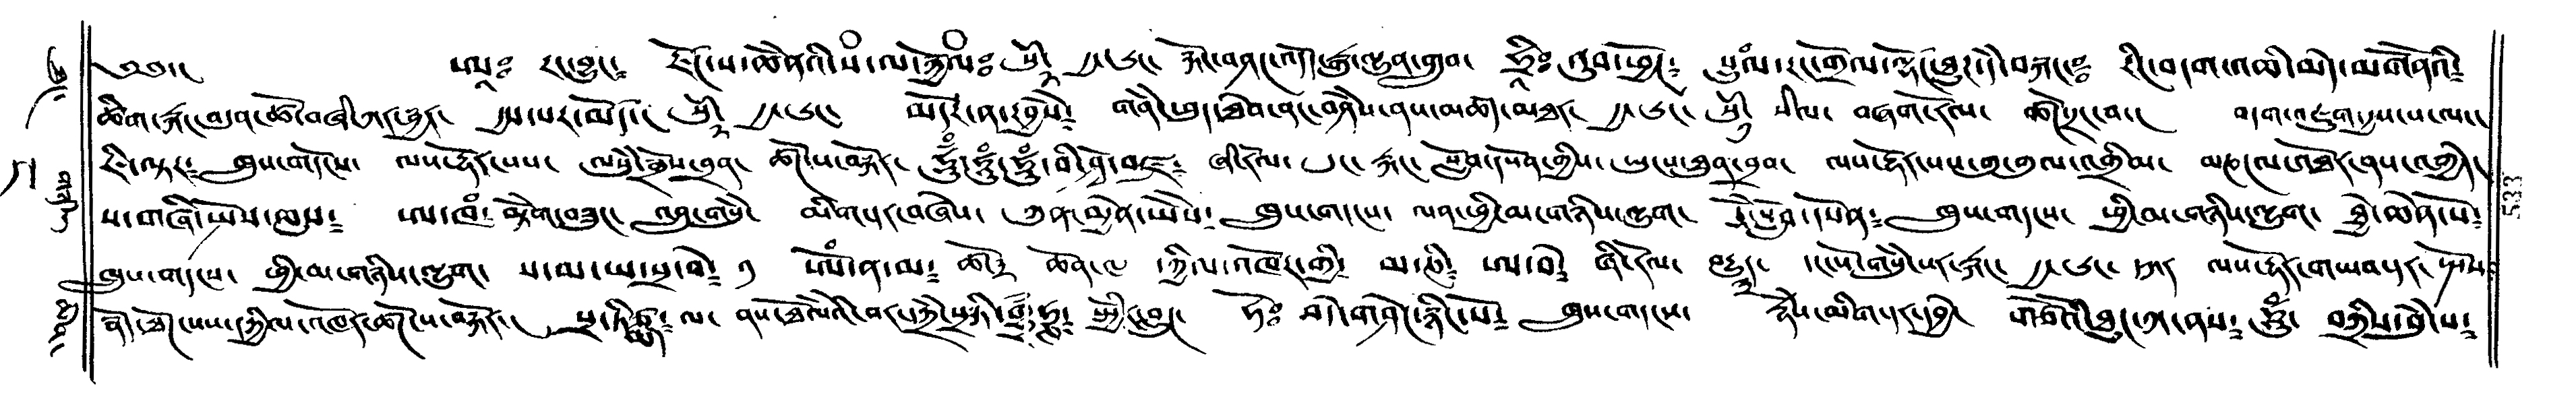ཨཱཿ རང་བྱུང༴ རྫོགས་པ་ཆེན་པོའི་ས་ལ་སྐྱོལཿ སུམ་གཉིས། རྒྱ། དུང་། སྐོང་བཤགས་འདོད་རྒུ་ལྷུན་གྲུབ། ཧྲཱིཿ ནུབ་ཕྱོགས༴ སྡུག་བསྔལ་རང་གྲོལ་ལྷ་ཚོགས་ཐུགས་དམ་བསྐངཿ རིགས་བདག་འཆི་མེད་མགོན་པོའི༴ 
ཚིག་རྐང་བདུན་ཚོ་བཞི་ཀར་བྱར། རྒྱས་པར་མཛོདཿ སུམ་གཉིས། རྒྱ། དུང་། མདོར་ན་རབ་འབྱམས༴ གནམ་ཕུད་ཐེབ་ནང་བཤམས་ནས་མཆོད་མཐར། རྒྱ། དུང་། སུམ་གཅིག སིལ། བཞག་རོལ། ཚོགས་དྲང་བ། བདག་འཇུག་རྒྱས་པ་ལ། 
ཇི་ལྟར༴ ཁྲུས་གདངས། ལས་རྡོར་པས། ལས་བུམ་སྒྲོས་བྲན། ཚོགས་པ་བསྐོར། ཧཱུྃ་ཧཱུྃ་ཧཱུྃ་བི་ཤྭོ་བཛྲ༴ ཞི་རོལ། དུང་། རྐང་། སློབ་དཔོན་གྱིས་ཡུངས་ཐུན་བྲབ། ལས་རྡོར་པས་གུ་གུལ་འགྲིམ། མཎྜལ་འཐོར་ནས་འགྱེད། 
ས་གཞི་སྤོས་ཆུས༴ ཨ་ཁཾ༴ མེ་ཏོག་བཟུང་། འབྲུ་གསུམ། མིག་དར་བཞེས། ཀུན་མཁྱེན་ཡེ་ཤེས༴ ཁྲུས་གདངས། ལན་ཕྱི་མ་གཉིས་ལྷུག རྡོ་རྗེ་སློབ་དཔོན༴ཁྲུས་གདངས། ཕྱི་མ་གཉིས་ལྷུག ཐུགས་རྗེ་ཆེན་པོ༴ 
ཁྲུས་གདངས། ཕྱི་མ་གཉིས་ལྷུག ས་མ་ཡ་པྲ་བེ༴ གཅིག ཨོཾ་ན་མ༴ ཚོ་གསུམ། ཆོན་བཞི། དཀྱིལ་འཁོར་གྱི༴ མ་ཎི༴ ཨ་བེ༴ ཞི་རོལ། བརྒྱུད་གསུམ། དང་པོ་གསུམ་པར་རྐང་། རྒྱ། དུང་། དཀར། ལས་རྡོར་གཡབ་དར། སྤོས་
སྣོད་ཐོགས་པས་དཀྱིལ་འཁོར་ཚོགས་པ་བསྐོར། པྲ་ཏིཙྪ༴ ལ། ནས་ཐལ་མོའི་བར་དཀྲམ་པྲ་ཏི་གྷྲྀ་ཧྞ༴ སྤྱི་བོར་བླུགས། ཧོཿ བདེ་གཤེགས་སྙིང་པོ༴ ཁྲུས་གདངས། རྡོ་རྗེས་མིག་དར་དབྱེ། གཙོ་བོའི་ཐུགས་ཀ་ནས༴ ཧཱུྃཿ བཀྲ་ཤིས་བུམ་པ༴